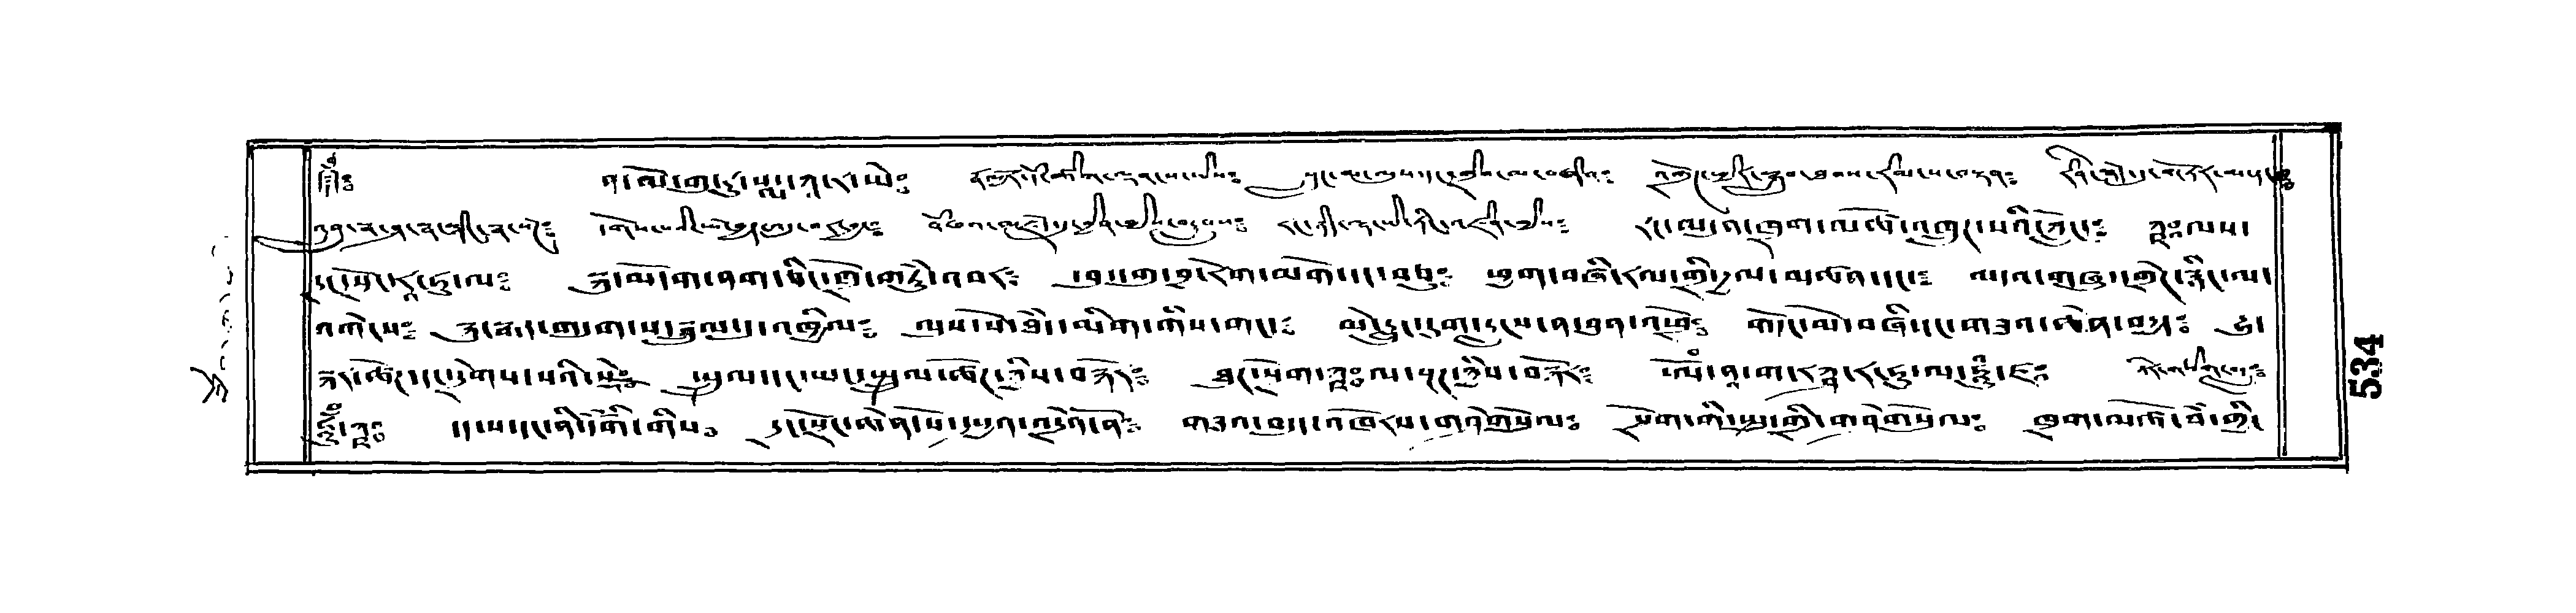ན་མོ་གུ་རུ་པདྨ་ཀཱ་ར་ཡེ༔ རྣལ་འབྱོར་དམ་ཚིག་ལྡན་པ་ཡིས༔ སྲུང་མ་ལུས་དང་གྲིབ་མ་བཞིན༔ འགྲོགས་ཕྱིར་སྒྲུབ་ཐབས་རིམ་པ་བསྟན༔ རིན་ཆེན་སྣོད་དུ་གཏོར་མ་དང༔ 
འབྲུ་སྣ་ཤ་སྣ་སྙིང་སྣ་སོགས༔ དགོས་པའི་ཡོ་བྱད་འདུ་བར་བྱ༔ ནམ་མཁའ་མཛོད་དུ་བྱིན་གྱིས་བརླབས༔ རང་ཉིད་ལྷ་ཡི་ཏིང་འཛིན་གྱིས༔ རང་མདུན་ཁྲག་མཚོ་འཁྲུགས་པའི་ཀློང༔ ཀྵཿལས་
དྲང་སྲོང་རཱ་ཧུ་ལ༔ སྐུ་མདོག་ནག་ཅིང་ཁྲོ་གཏུམ་འབར༔ དབུ་དགུ་བྱ་རོག་མགོ་དང་བཅུ༔ ཕྱག་བཞི་རལ་གྲི་རྒྱལ་མཚན་དང༔ མདའ་གཞུ་དགྲ་བགེགས་སྙིང་ལ་
འགེངས༔ སྐུ་སྨད་གདུག་པ་སྤྲུལ་དུ་འཁྱིལ༔ ལུས་པོ་ཐམས་ཅད་མིག་གིས་གང༔ མེ་རླུང་དུག་རླངས་ན་བུན་འཕྲོ༔ གདོང་མོ་བཞི་དང་གཟའ་ཆེན་བརྒྱད༔ རྒྱུ་
སྐར་ཚོགས་དང་དྲེགས་པའི་སྡེ༔ སྤྲུལ་དང་ཡང་སྤྲུལ་ཚོགས་ཀྱིས་བསྐོར༔ ཐུགས་སྲོག་ཀྵ༔ལ་སྔགས་ཀྱིས་བསྐོར༔ ཨོཾ་ནཱ་ག་རཀྴ་ར་ཧུ་ལ་ཧཱུཾ་ཛཿ ཉེར་གཅིག་བཟླ༔ 
ཧཱུྃ་ཀྵཿ དད་པ་དང་ནི་དམ་ཚིག་གིས༔ དྲང་སྲོང་ཆེན་པོ་སྤྱན་འདྲེན་ནོ༔ གཟའ་བདུད་འཁོར་འདས་གཤེགས་སུ་གསོལ༔ སྲོག་གི་སྤུ་གྲི་གཤེགས་སུ་གསོལ༔ ཁྲག་མཚོ་བམ་གྱི་